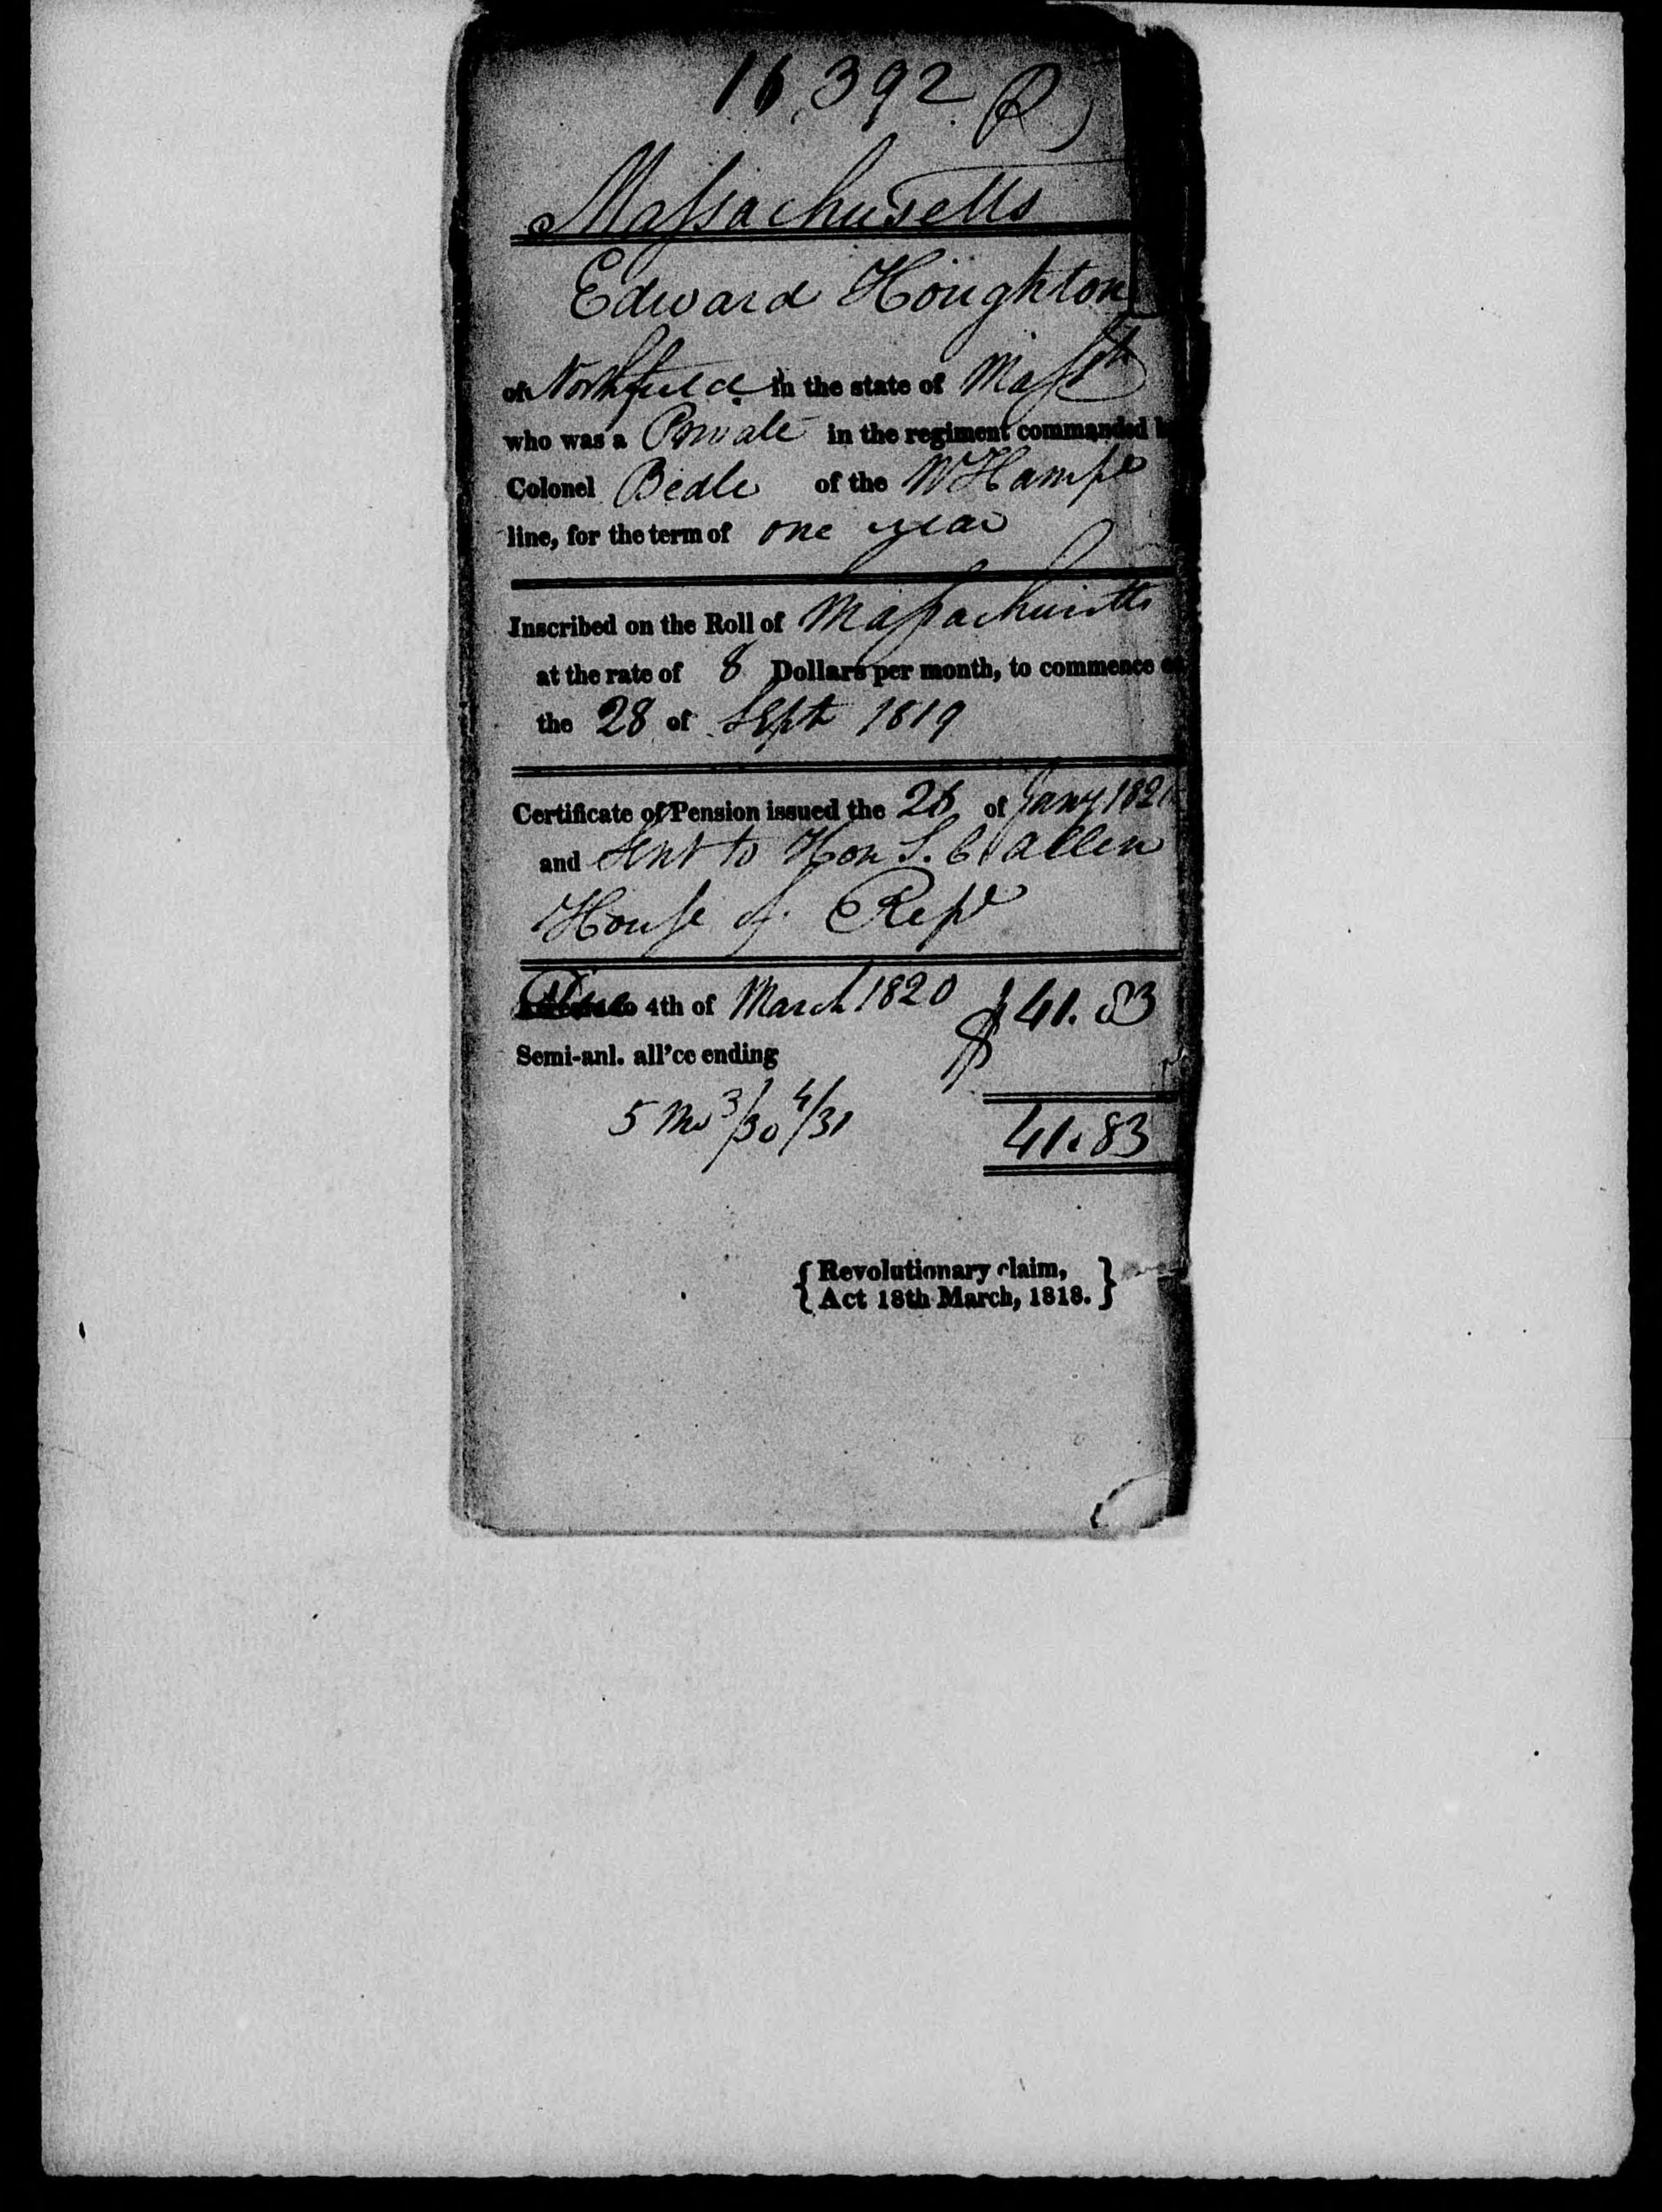16,392 R 
Massachusetts 
Edward Houghton 
of Northfield in the state of Mass
who was a Private in the regiment commanded by Colonel Beale of the N Hamp
line, for the term of one year

Inscribed on the Roll of Massachusetts 
at the rate of 8 dollars per month, to commence on the 28 of Sept 1819

Certificate of Pension issued the 26 of Jan 1821 
and sent to Hon. S. C. Allen
House of Rep. 

4th of March 1820
Semi-anl. all'ce ending $41.83
5 [?] 3/30 4/31 $41.83 

Revolutionary claim, 
Act 18th March 1818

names: Bedle, S C Allen, Edward Houghton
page: 2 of 10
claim: survivor's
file: S. 32,841, Edward Houghton, N.H.